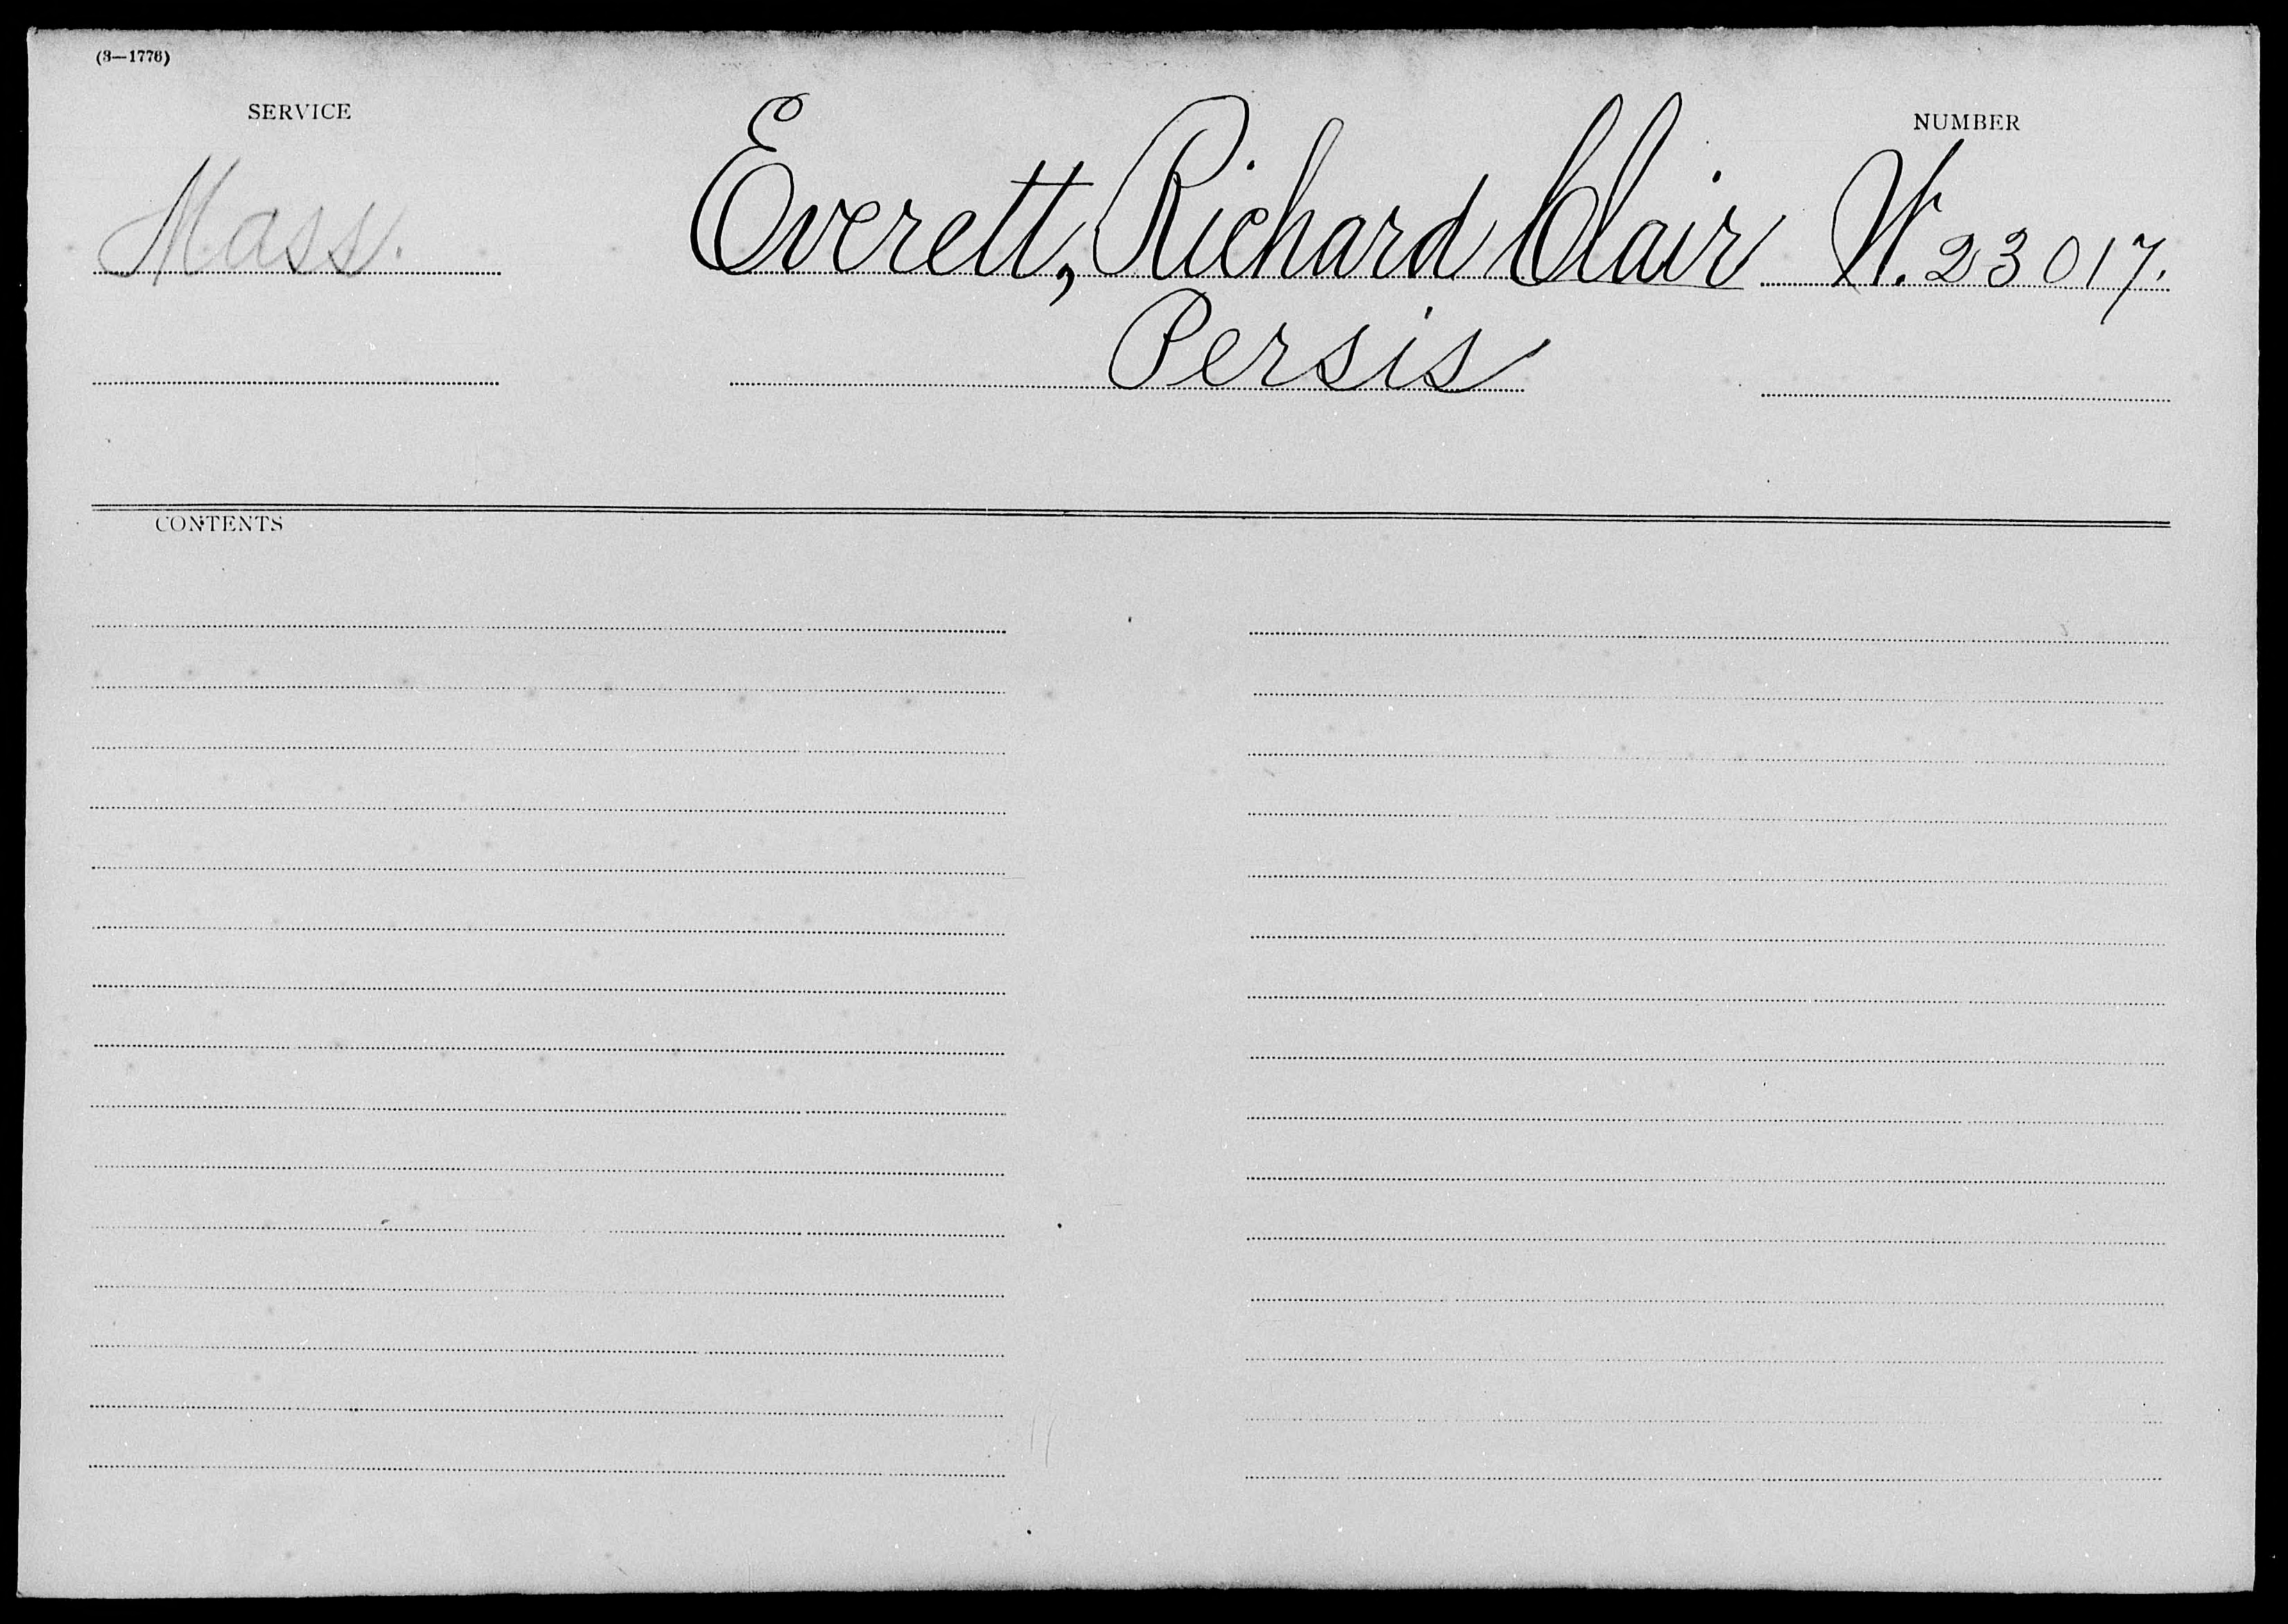(3 - 1776)
SERVICE
Mass.
Everett, Richard Clair (or Blair)
Number
W.23017
Persis
Contents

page: 1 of 59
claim: widow's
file: W. 23017, Richard Clair Everett, Mass.